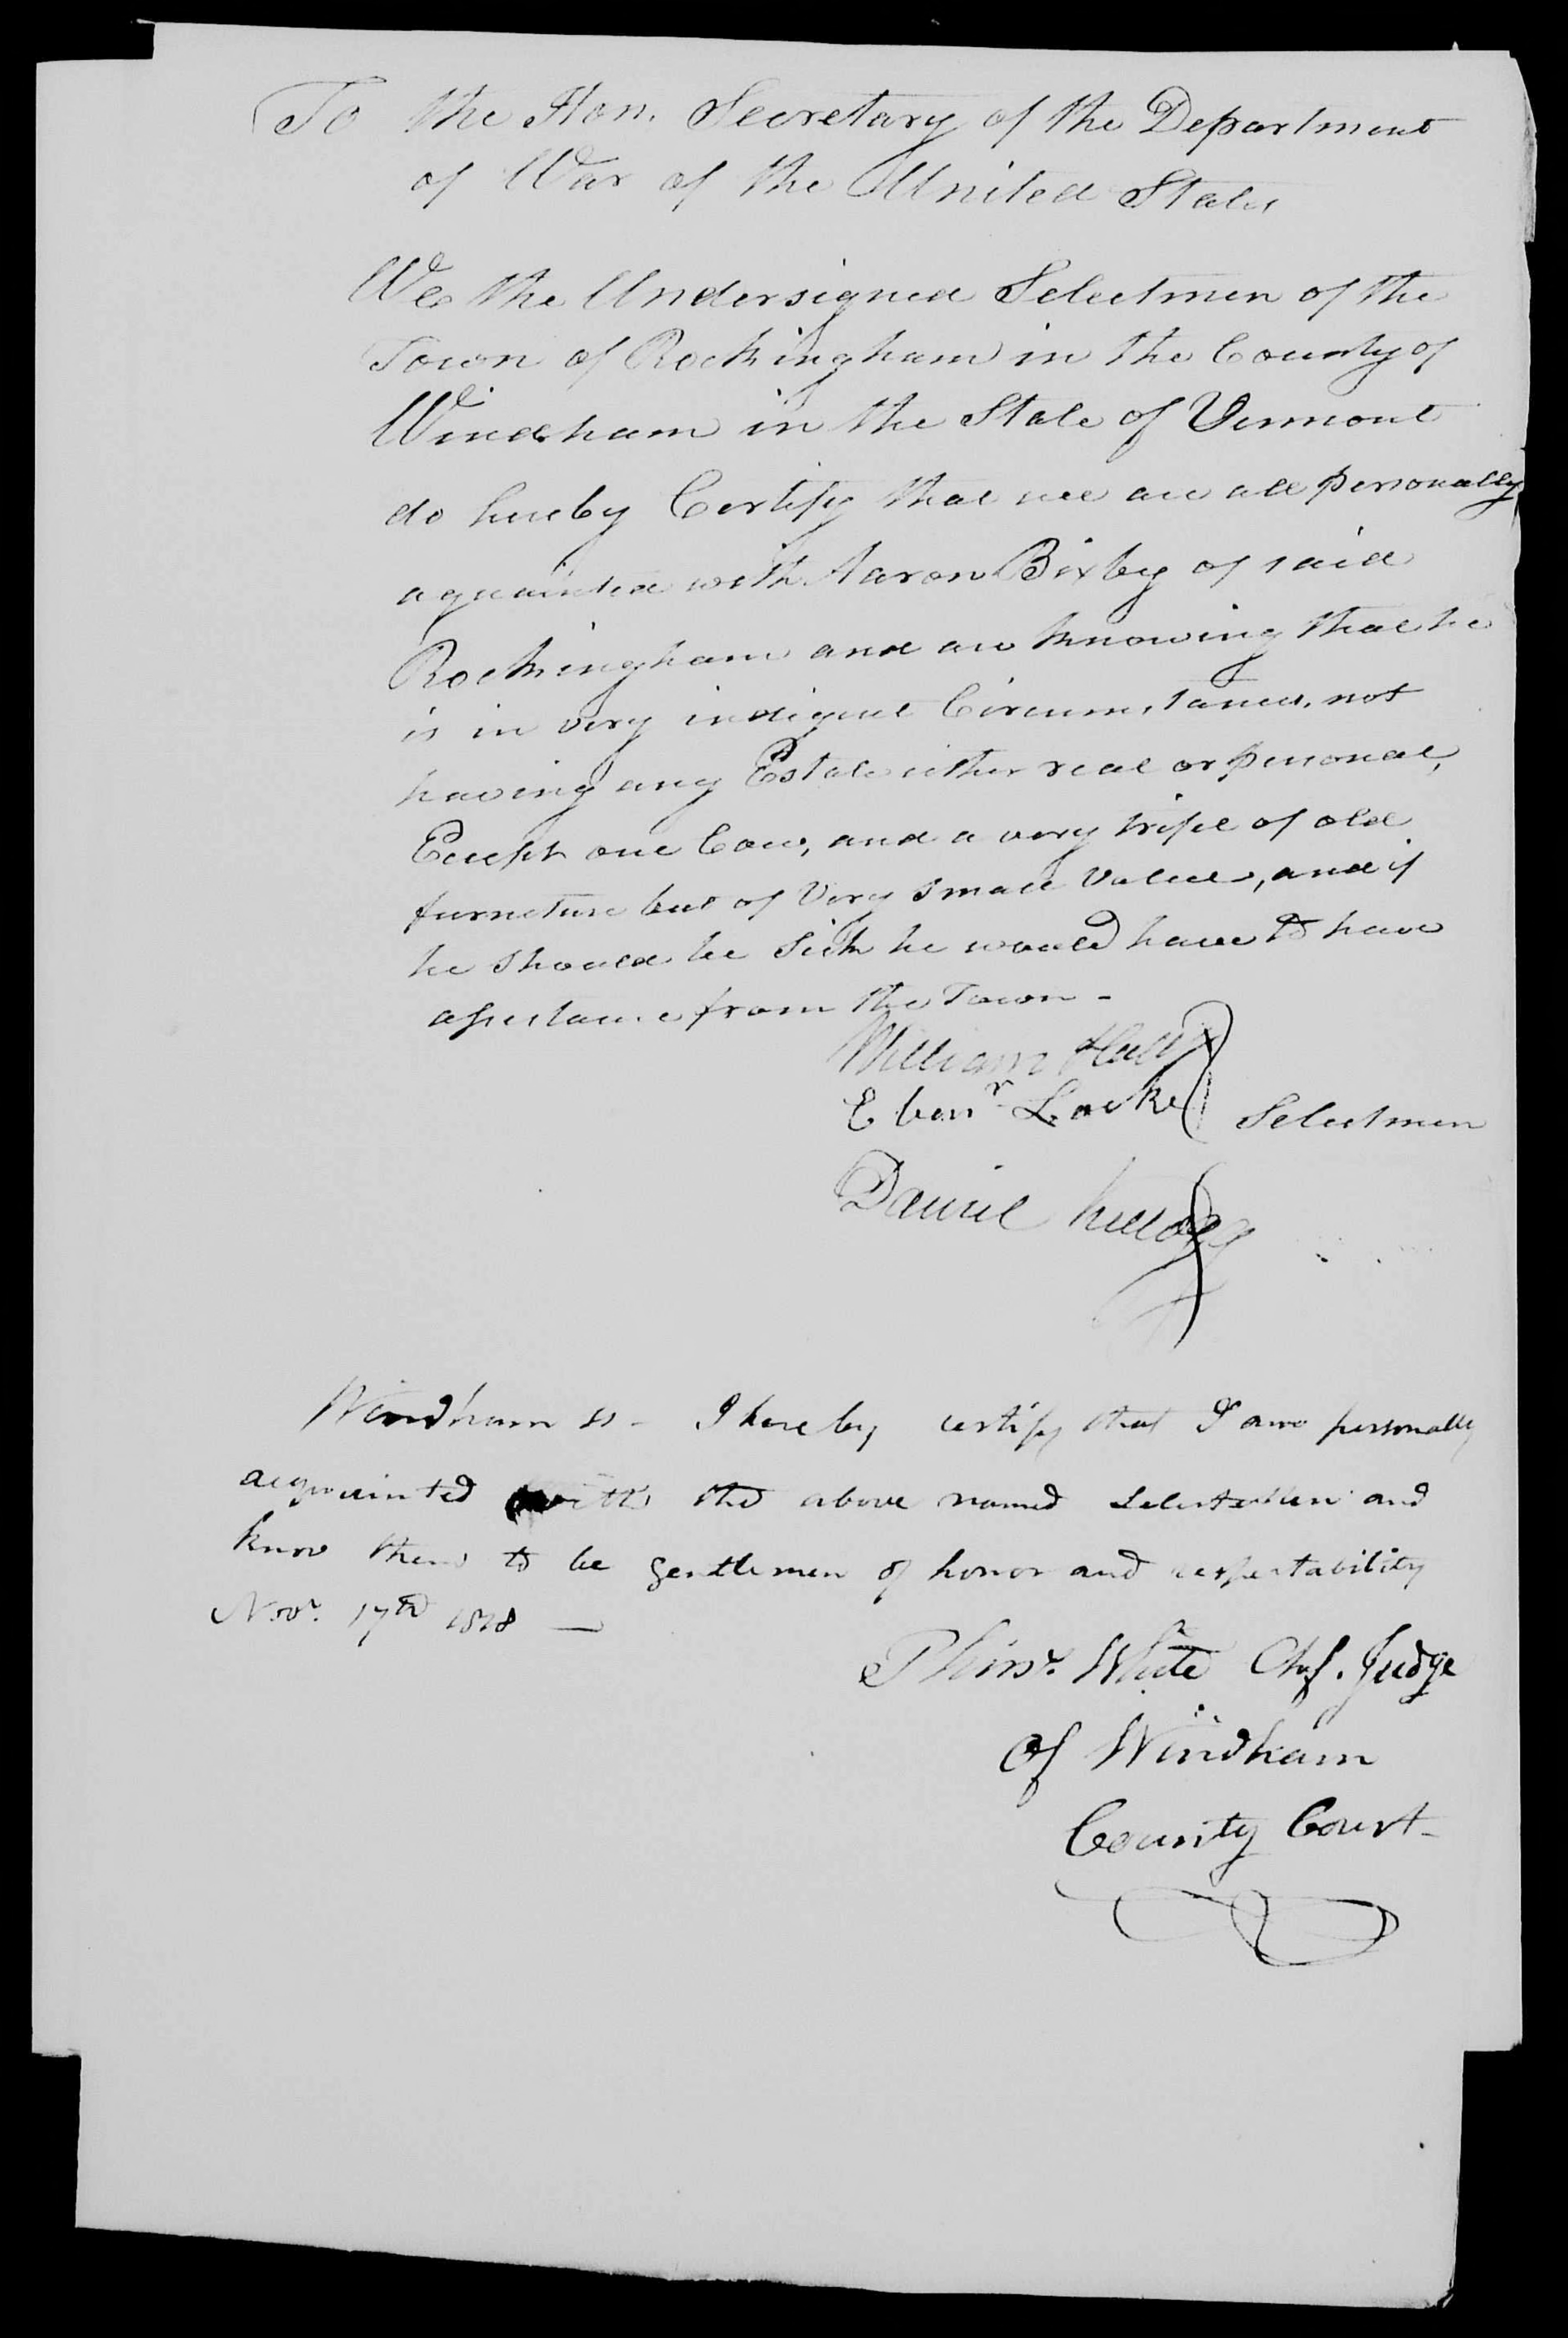To The Hon. Secretary of the Department 
of War of the UnitedStates

We the undersigned Selectmen of the 
Town of Rockingham in the County of 
Windham in the State of Vermont 
do hereby Certify that we are all personally 
acquainted with Aaron Bixby of said 
Rockingham and are knowing that he 
is in very indigent circumstances, not 
having any estate either real or personal,  
except one cow, and a very wife of old 
furniture but of very small value, and if 
he should be sick he would have to have 
assistance from the Town.
William Hall }
Ebenr. Lacke } Selectmen
Daniel Hillogg }

Windham Ss - I hereby certify that I am personally 
acquainted with the above named Selectmen and 
know them to be gentlemen of honor and respectability 
Nov. 17th 1818
Phins. White Chief Judge 
of Windham 
County Court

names: Phins White, William Hall, Ebenr Lacke, Aaron Bixby, Daniel Hillogg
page: 17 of 17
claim: survivor's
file: S 41436, Aaron Bixby, N.H.